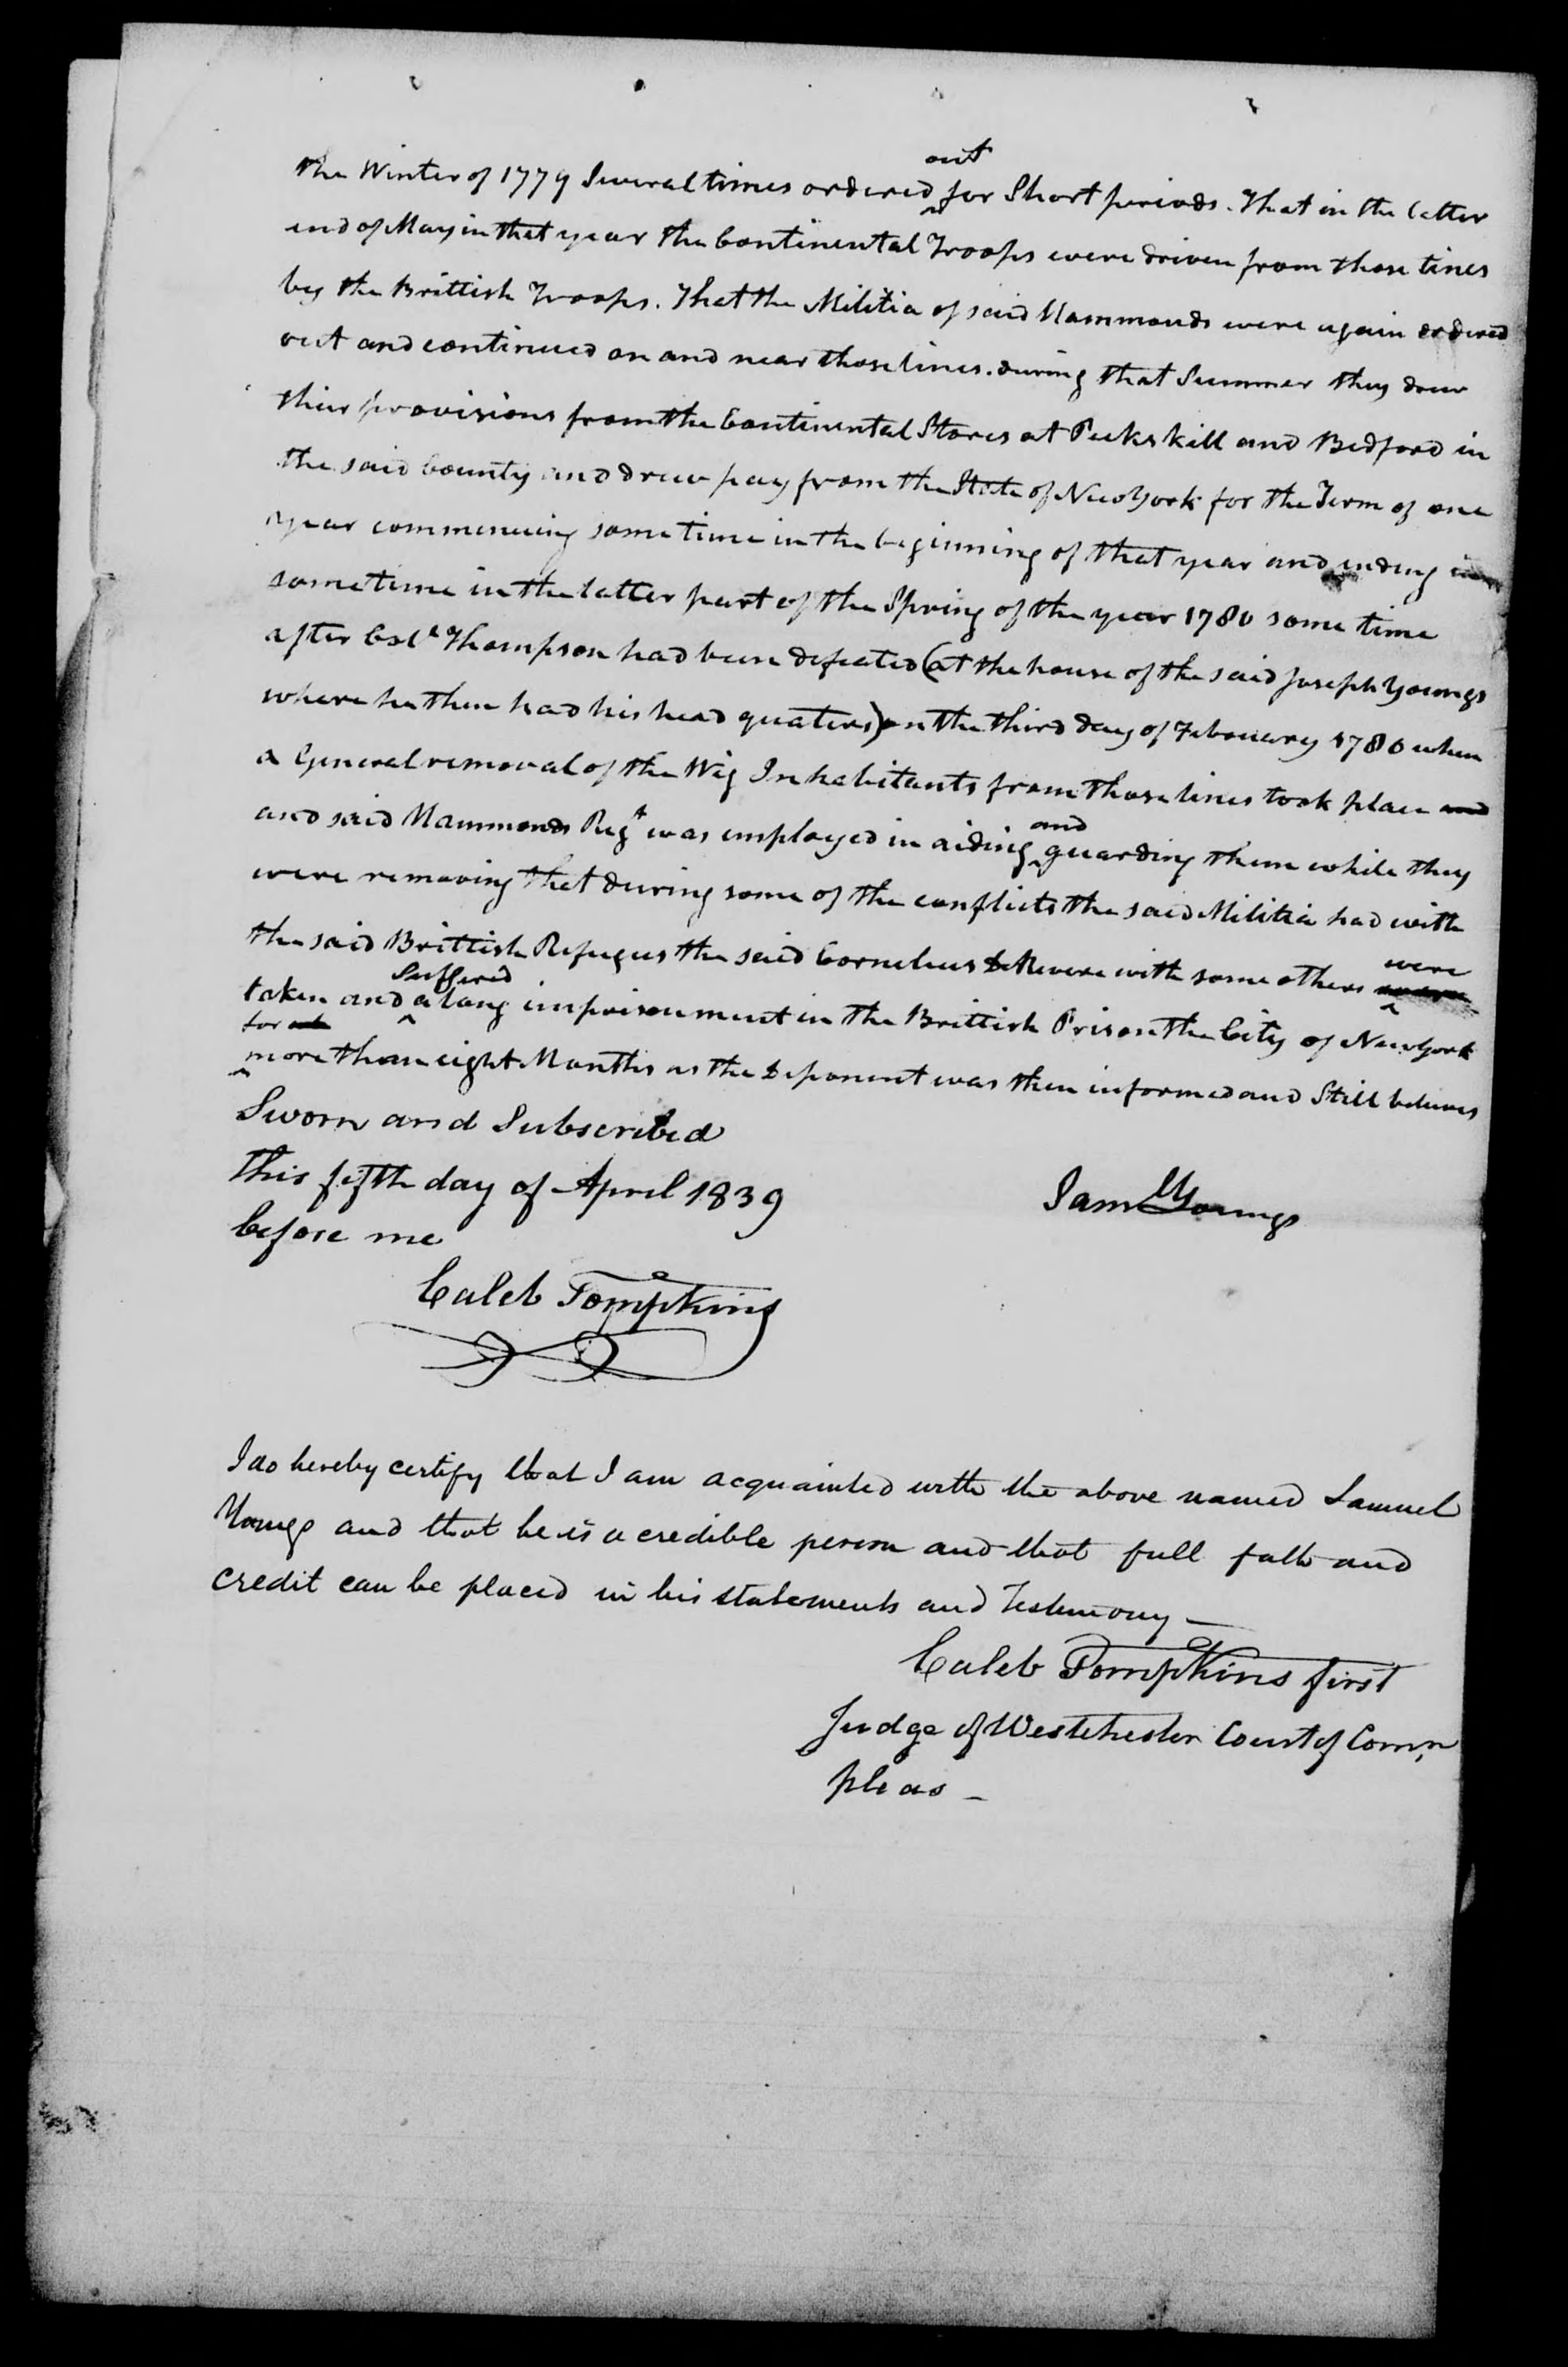the winter of 1779 several times ordered out for short periods. 

That in the latter end of May in that year the Continental troops were driven from those lines by the British Troops. 

That the Militia of said Hammond were again entered out and continued on and near those lines. During that summer they drew their provisions from the Continental stores at Peekskill and Bedford in the said County and drew pay from the State of New York for the Term of one year commencing sometime in the beginning of that year and ending
sometime in the latter part of the spring of the year 1780 sometime after Col Thompson had been defeated (at the house of the said Joseph Youngs where he then had his head quarters) on the third day of February 1780 when
general removal of the Whig Inhabitants from those lines took place and said Hammond's Regt was employed in aiding and guarding them while they were removing that during some of the conflicts the said Militia had with
the said British Refugees the said Cornelius DeRevere with some others were taken and suffered a long imprisonment in the British prison the City of New York more than eight months as the Deponent was then informed and still believes.

Saml Youngs

Sworn and subscribed this fifth day of April 1839 before me

Caleb Tompkins

I do hereby certify that I am acquainted with the above named Samuel Youngs and that he is a credible person and that full faith and
credit can be placed in his statements and Testimony-

Caleb Tompkins first
Judge of Westchester Court of Common Pleas-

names: Saml Youngs, Samuel Youngs, Thompson, Joseph Youngs, Caleb Tompkins, Caleb Tompkins, Cornelius De Revere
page: 8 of 40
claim: widow's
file: W. 24057, Cornelius De Revere, New York